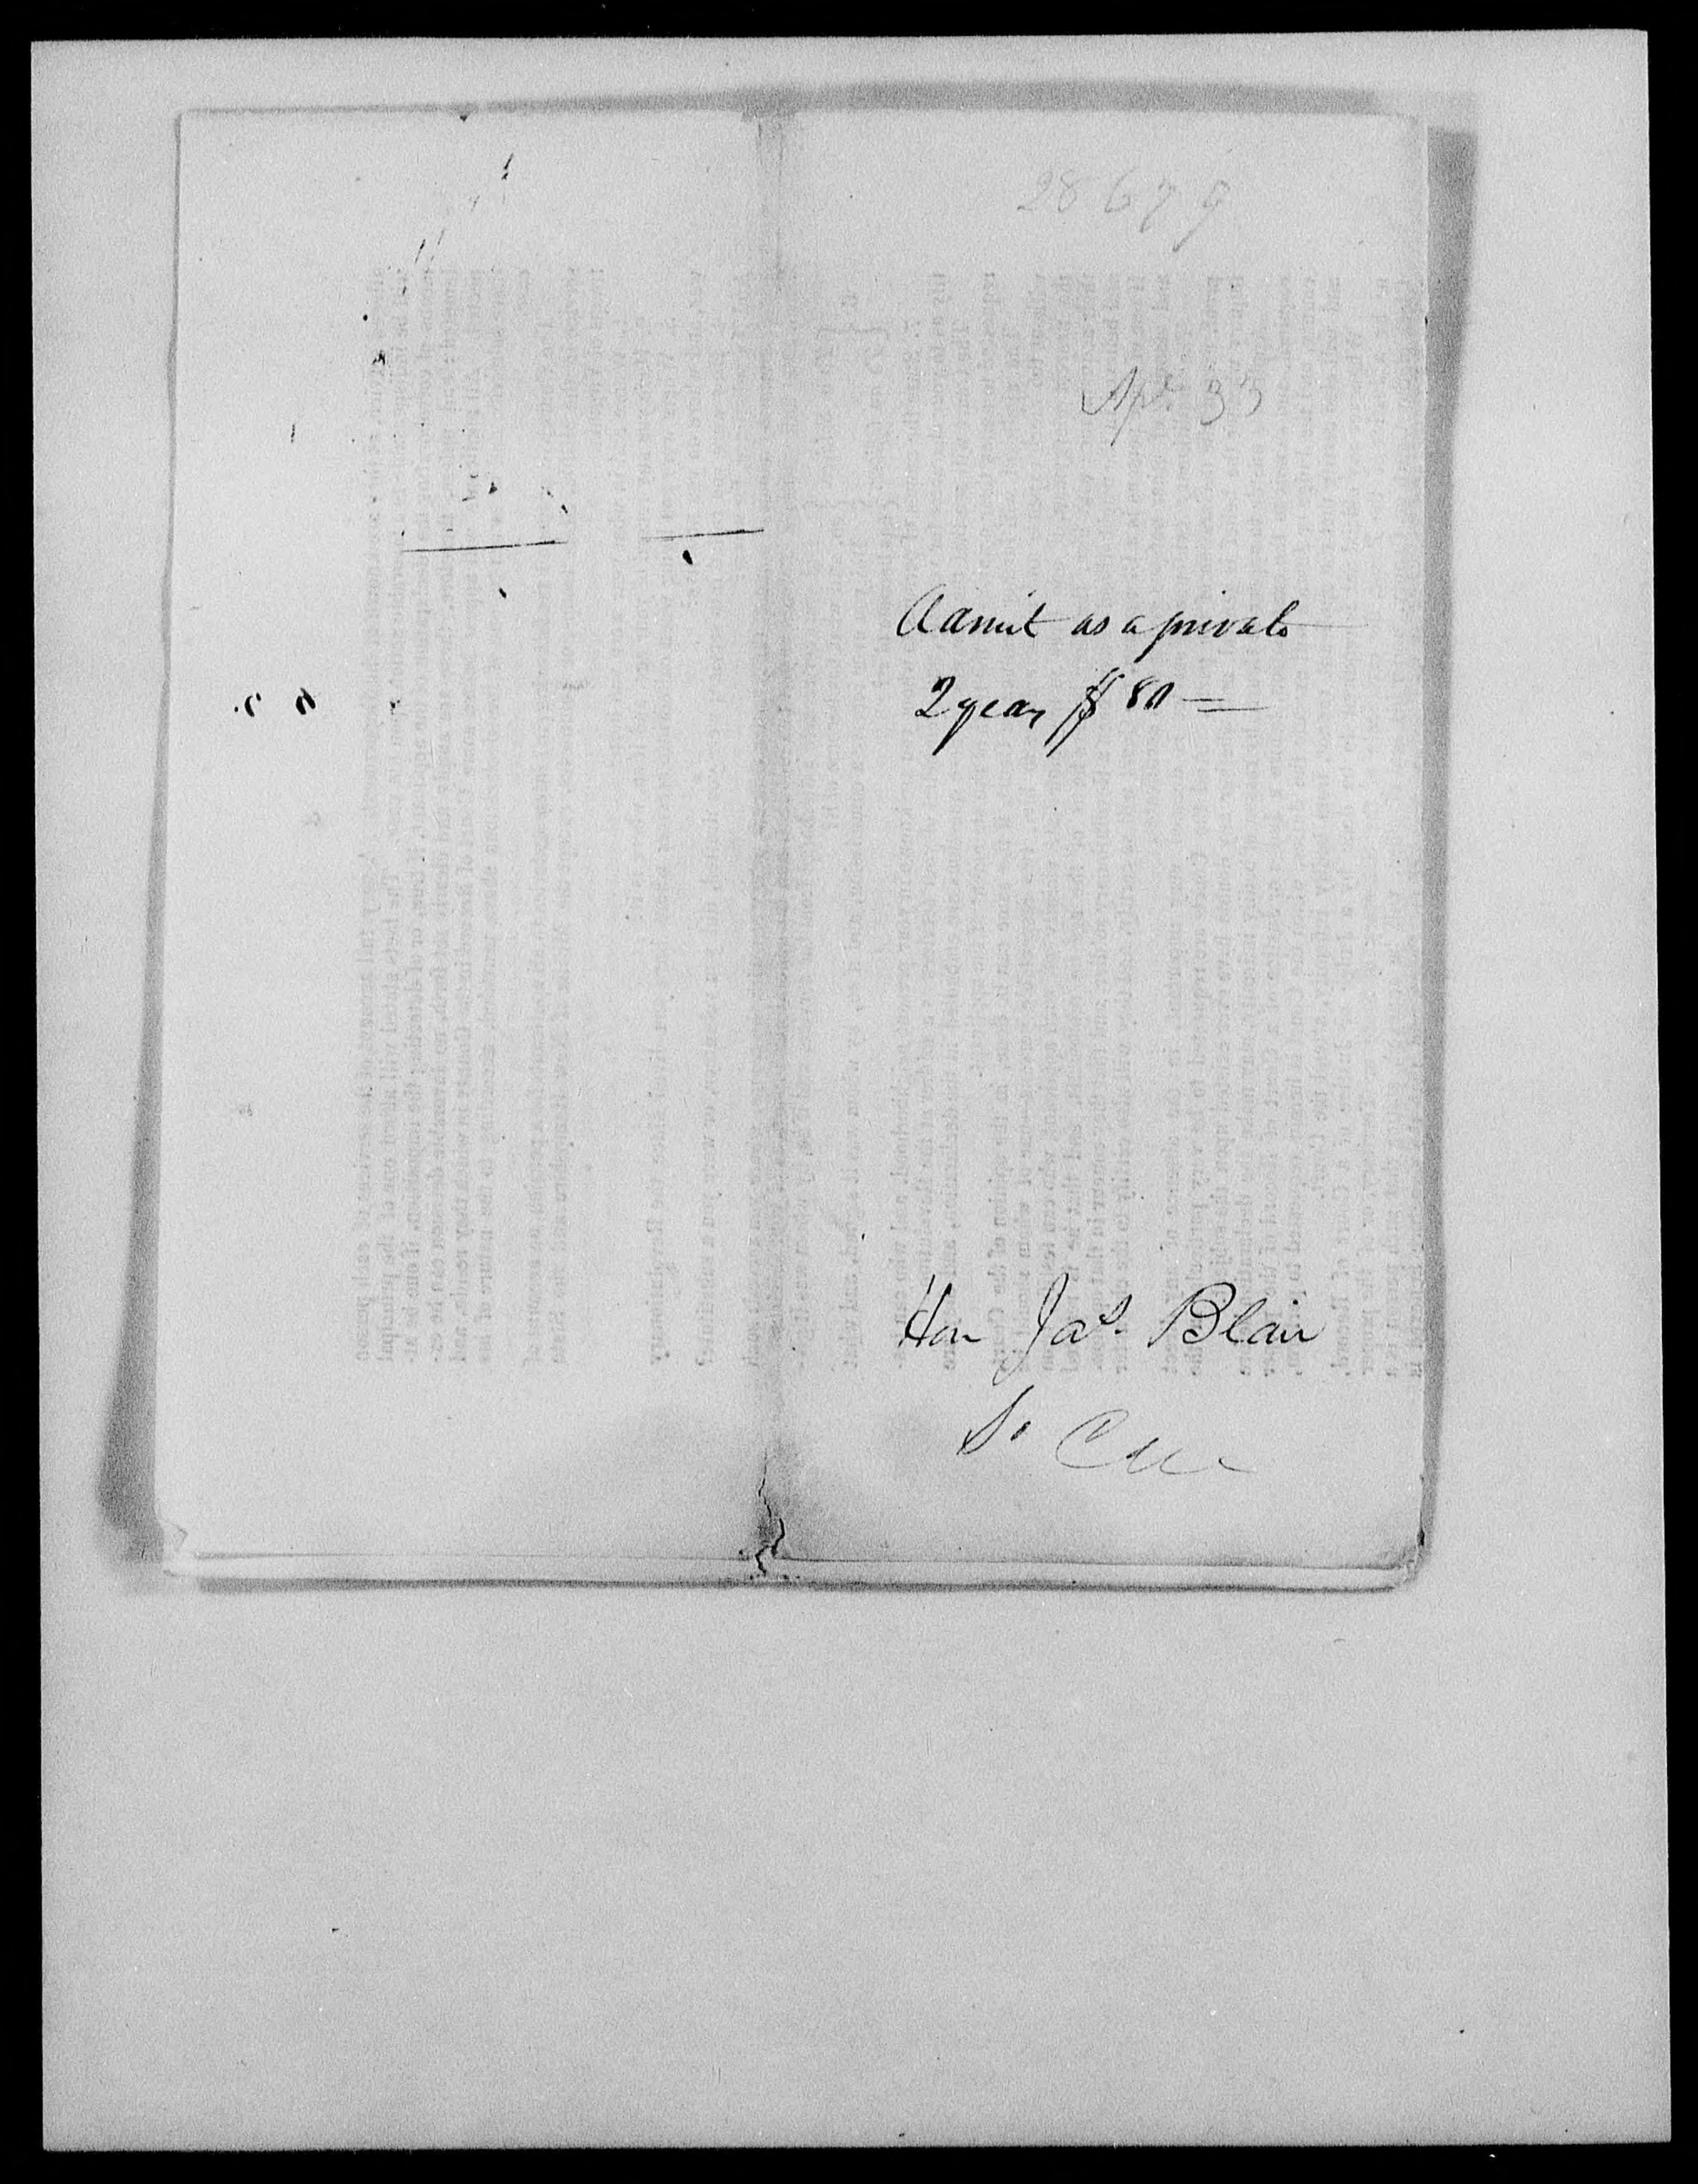28679
Apl 33
Clamit as a private
2 years $80
Hon Jas Blair
S. C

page: 15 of 28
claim: survivor's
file: S. 21844, for Samuel Jones, South Carolina